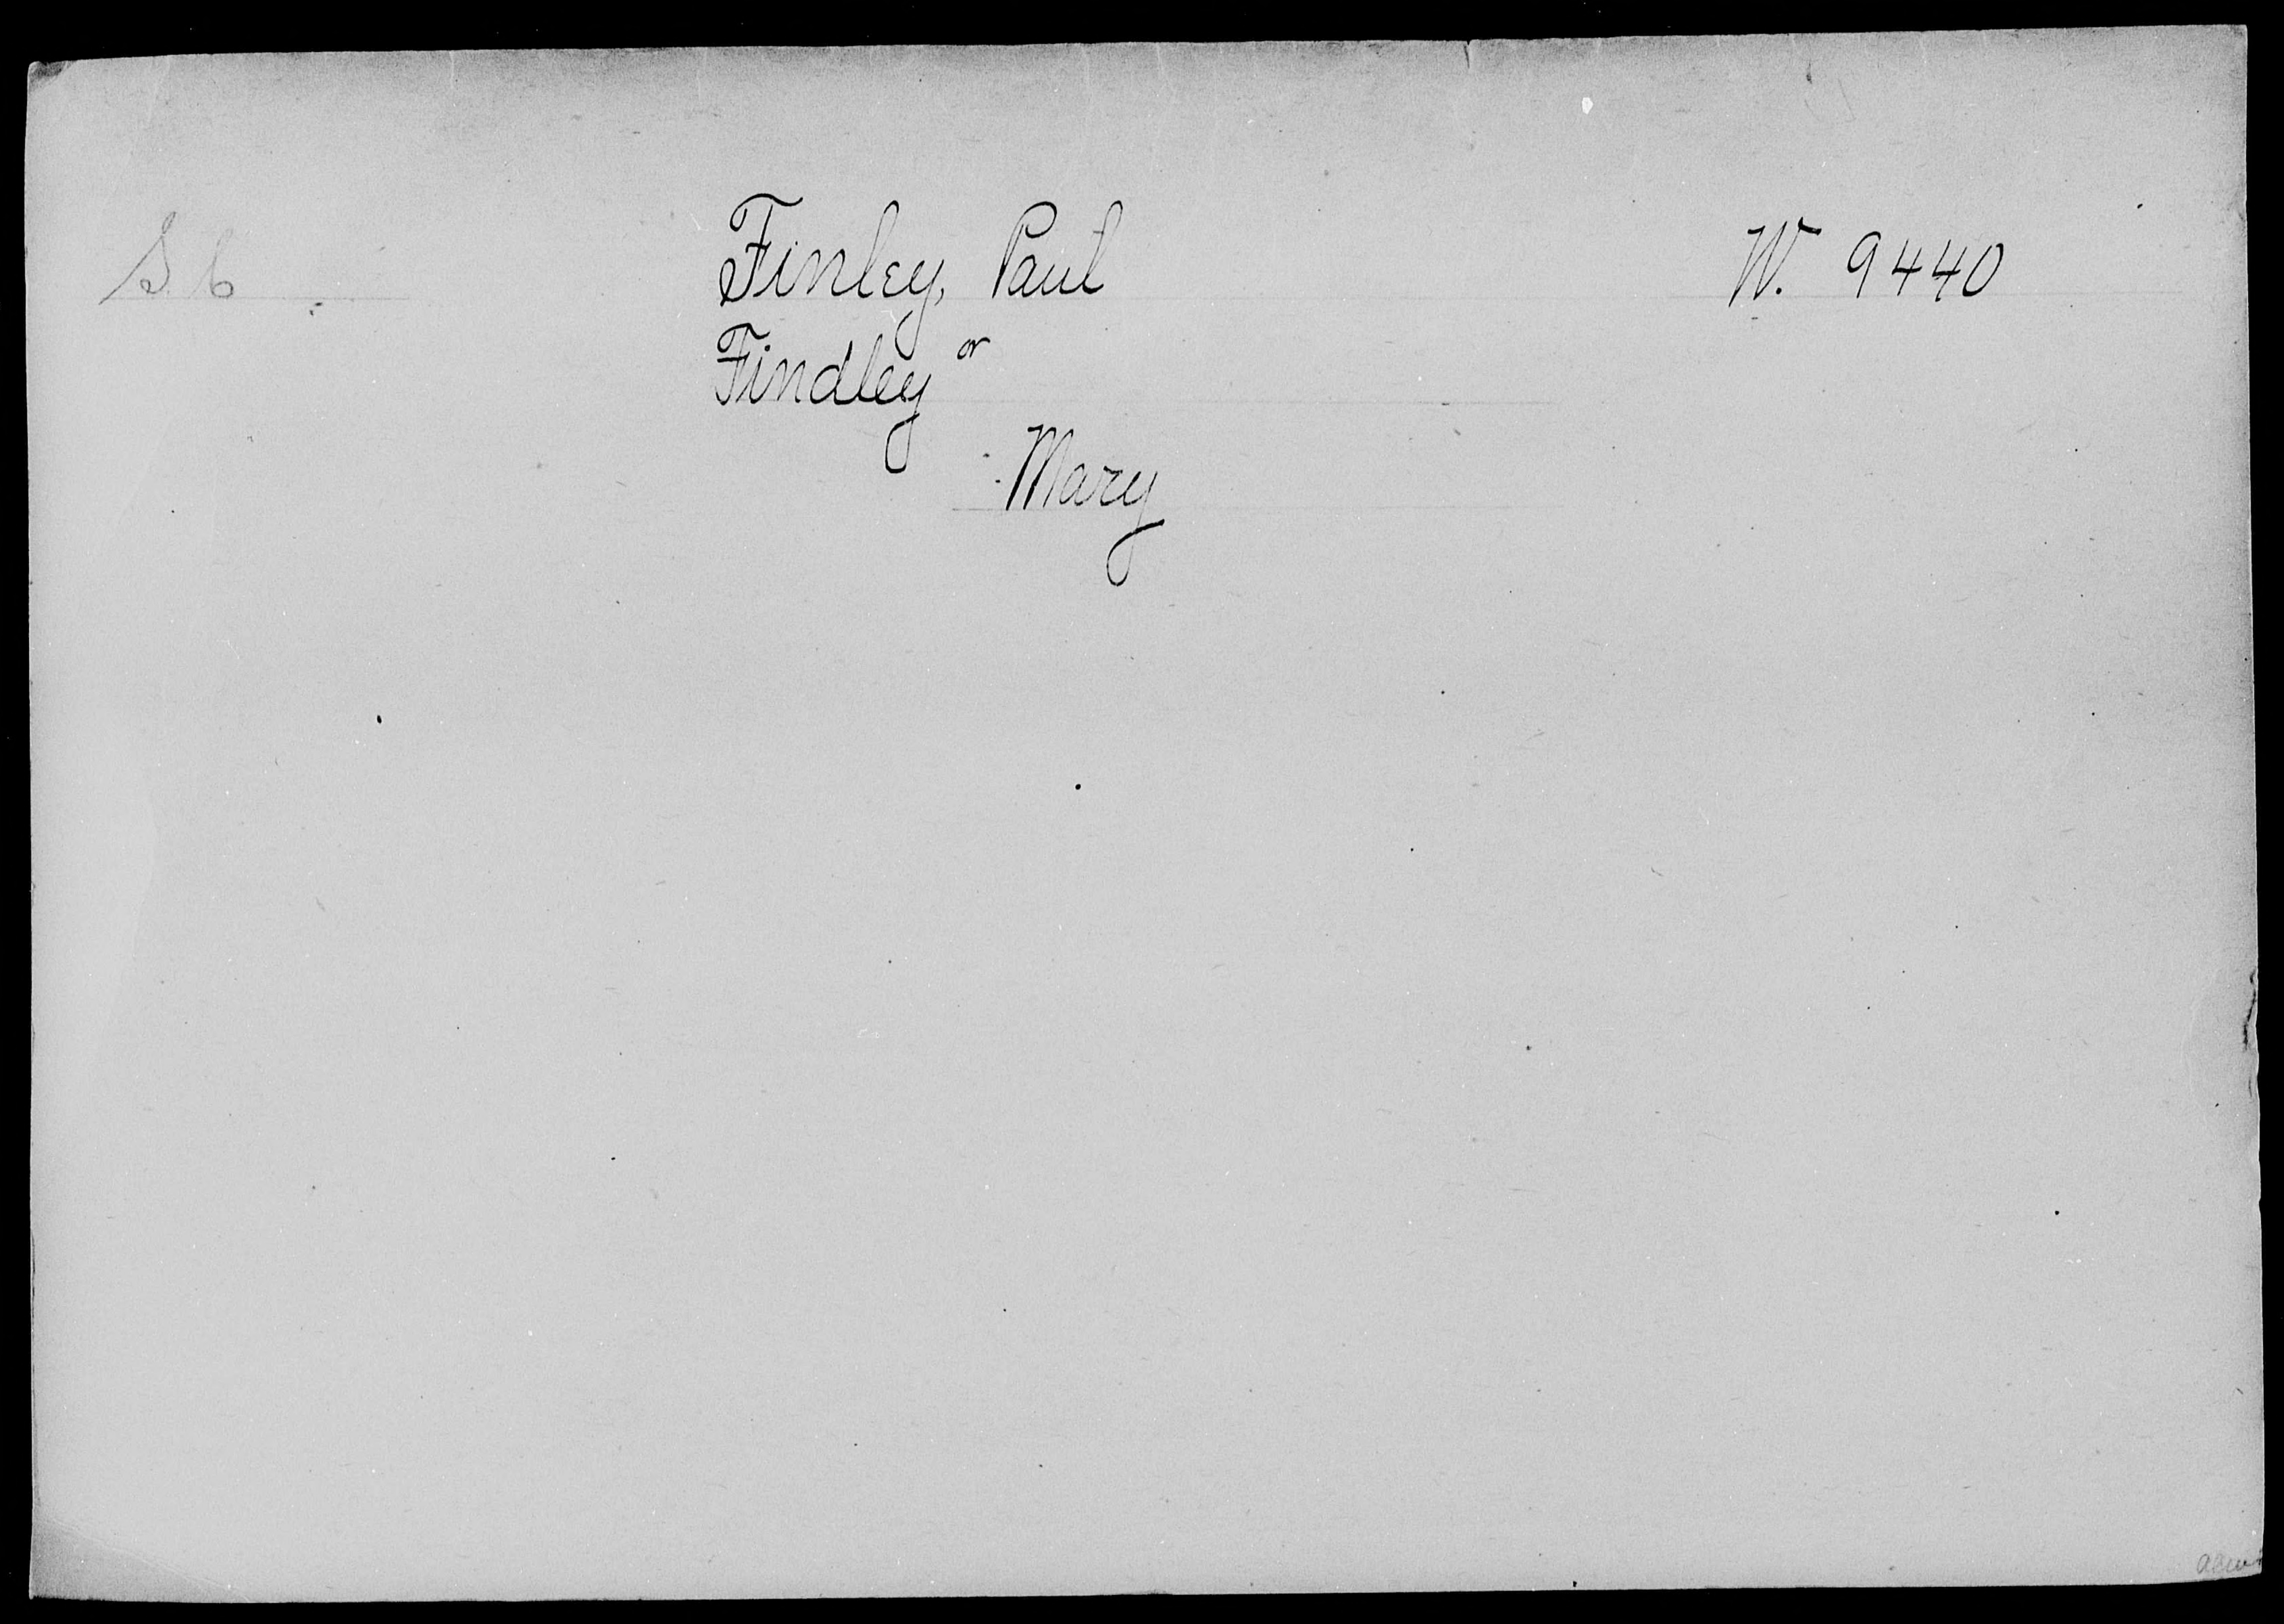S. C.
Finley, or Findley, Paul
Mary
W. 9440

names: Paul Findley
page: 1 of 1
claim: widow's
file: W. 9440, Paul Finley, S.C.